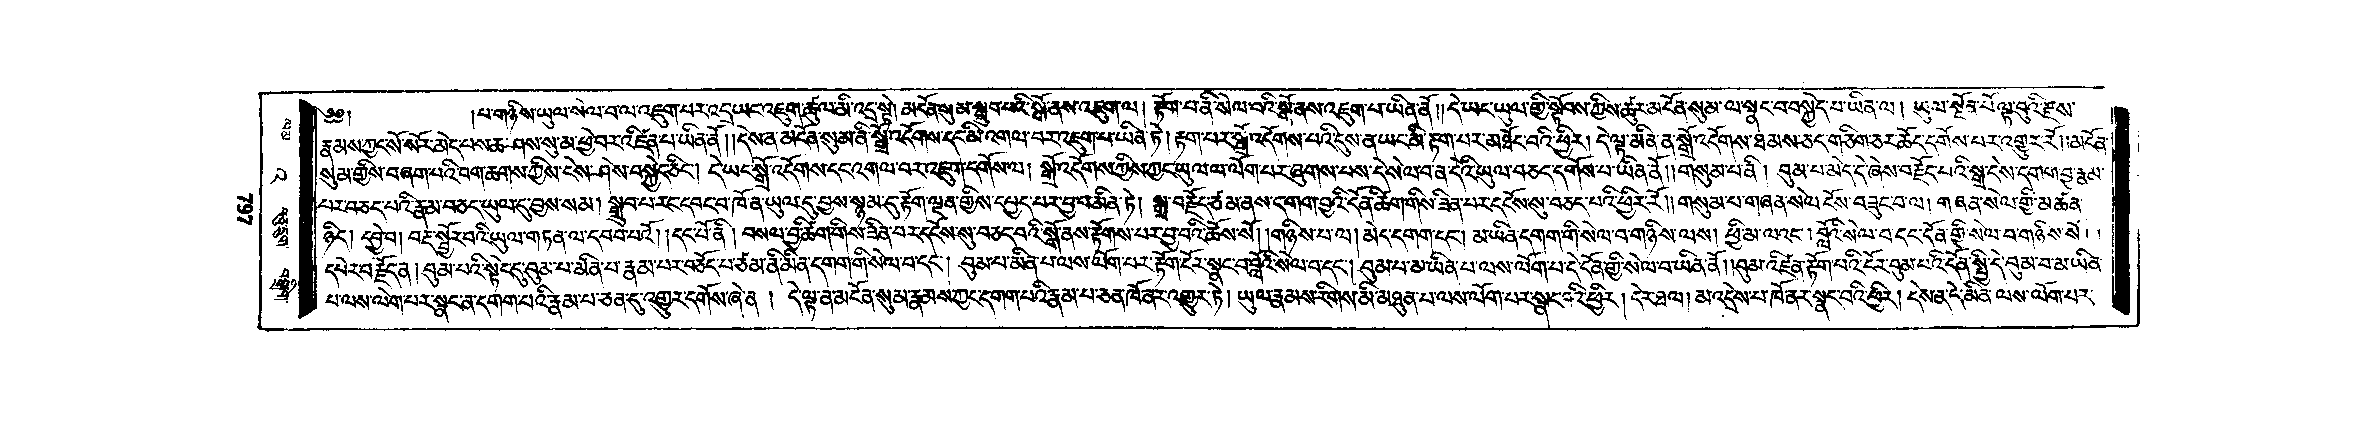༄༅། །པ་གཉིས་ཡུལ་སེལ་བ་ལ་འཇུག་པར་འདྲ་ཡང་འཇུག་ཚུལ་མི་འདྲ་སྟེ། མངོན་སུམ་སྒྲུབ་པའི་སྒོ་ནས་འཇུག་ལ། རྟོག་པ་ནི་སེལ་བའི་སྒོ་ནས་འཇུག་པ་ཡིན་ནོ། །དེ་ཡང་ཡུལ་གྱི་སྟོབས་ཀྱིས་ཚུར་མངོན་སུམ་ལ་སྣང་བ་བསྐྱེད་པ་ཡིན་ལ། ཡུལ་སྔོན་པོ་ལྟ་བུའི་རྫས་
རྣམས་ཀྱང་སོ་སོར་མེད་པས་ཆ་ཤས་སུ་མ་ཕྱེ་བར་འཛིན་པ་ཡིན་ནོ། །དེས་ན་མངོན་སུམ་ནི་སྒྲོ་འདོགས་དང་མི་འགལ་བར་འཇུག་པ་ཡིན་ཏེ། རྟག་པར་སྒྲོ་འདོགས་པའི་དུས་ན་ཡང་མི་རྟག་པར་མཐོང་བའི་ཕྱིར། དེ་ལྟ་མིན་ན་སྒྲོ་འདོགས་ཐམས་ཅད་གཅིག་ཅར་ཆོད་དགོས་པར་འགྱུར་རོ། །མངོན་
སུམ་གྱིས་བཞག་པའི་བག་ཆགས་ཀྱིས་ངེས་ཤེས་བསྐྱེད་ཅིང་། དེ་ཡང་སྒྲོ་འདོགས་དང་འགལ་བར་འཇུག་དགོས་ལ། སྒྲོ་འདོགས་ཀྱིས་ཀྱང་ཡུལ་ལ་ལོག་པར་ཞུགས་པས་དེ་སེལ་བ་ན་དེའི་ཡུལ་བཅད་དགོས་པ་ཡིན་ནོ། །གསུམ་པ་ནི། བུམ་པ་མེད་དེ་ཞེས་བརྗོད་པའི་སྒྲ་དེས་དགག་བྱ་རྣམ་
པར་བཅད་པའི་རྣམ་བཅད་ཡུལ་དུ་བྱས་སམ། སྒྲུབ་པ་རང་དབང་བ་ཁོ་ན་ཡུལ་དུ་བྱས་སྙམ་དུ་རྟོག་ལྡན་གྱིས་དཔྱད་པར་བྱ་བ་མིན་ཏེ། སྒྲ་བརྗོད་ཙམ་ནས་དགག་བྱའི་དོན་ཚིག་གིས་ཟིན་པར་དངོས་སུ་བཅད་པའི་ཕྱིར་རོ། །གསུམ་པ་གཞན་སེལ་ངོས་བཟུང་བ་ལ། གཞན་སེལ་གྱི་མཚན་
ཉིད། དབྱེ་བ། བརྡ་སྦྱོར་བའི་ཡུལ་གཏན་ལ་དབབ་པའོ། །དང་པོ་ནི། བསལ་བྱ་ཚིག་གིས་ཟིན་པར་དངོས་སུ་བཅད་པའི་སྒོ་ནས་རྟོགས་པར་བྱ་བའི་ཆོས་སོ། །གཉིས་པ་ལ། མེད་དགག་དང་། མ་ཡིན་དགག་གི་སེལ་བ་གཉིས་ལས། ཕྱི་མ་ལའང་། བློའི་སེལ་བ་དང་དོན་གྱིས་སེལ་བ་གཉིས་སོ། །
དཔེར་བརྗོད་ན། བུམ་པའི་སྟེང་དུ་བུམ་པ་མིན་པ་རྣམ་པར་བཅོད་པ་ཙམ་ནི་མིན་དགག་གི་སེལ་བ་དང་། བུམ་པ་མིན་པ་ལས་ལོག་པར་རྟོག་ངོར་སྣང་བ་བློའི་སེལ་བ་དང་། བུམ་པ་མ་ཡིན་པ་ལས་ལོག་པ་དེ་དོན་གྱི་སེལ་བ་ཡིན་ནོ། །བུམ་འཛིན་རྟོག་པའི་ངོར་བུམ་པའི་དོན་སྤྱི་དེ་བུམ་པ་མ་ཡིན་
པ་ལས་ལེག་པར་སྣང་ན་དགག་པའི་རྣམ་པ་ཅན་དུ་འགྱུར་དགོས་ཞེ་ན། དེ་ལྟ་ན་མངོན་སུམ་རྣམས་ཀྱང་དགག་པའི་རྣམ་པ་ཅན་ཁོ་ནར་འགྱུར་ཏེ། ཡུལ་རྣམས་རིགས་མི་མཐུན་པ་ལས་ལོག་པར་སྣང་བའི་ཕྱིར། དེར་ཐལ། མ་འདྲེས་པ་ཁོ་ནར་སྣང་བའི་ཕྱིར། དེས་ན་དེ་མིན་ལས་ལོག་པར་